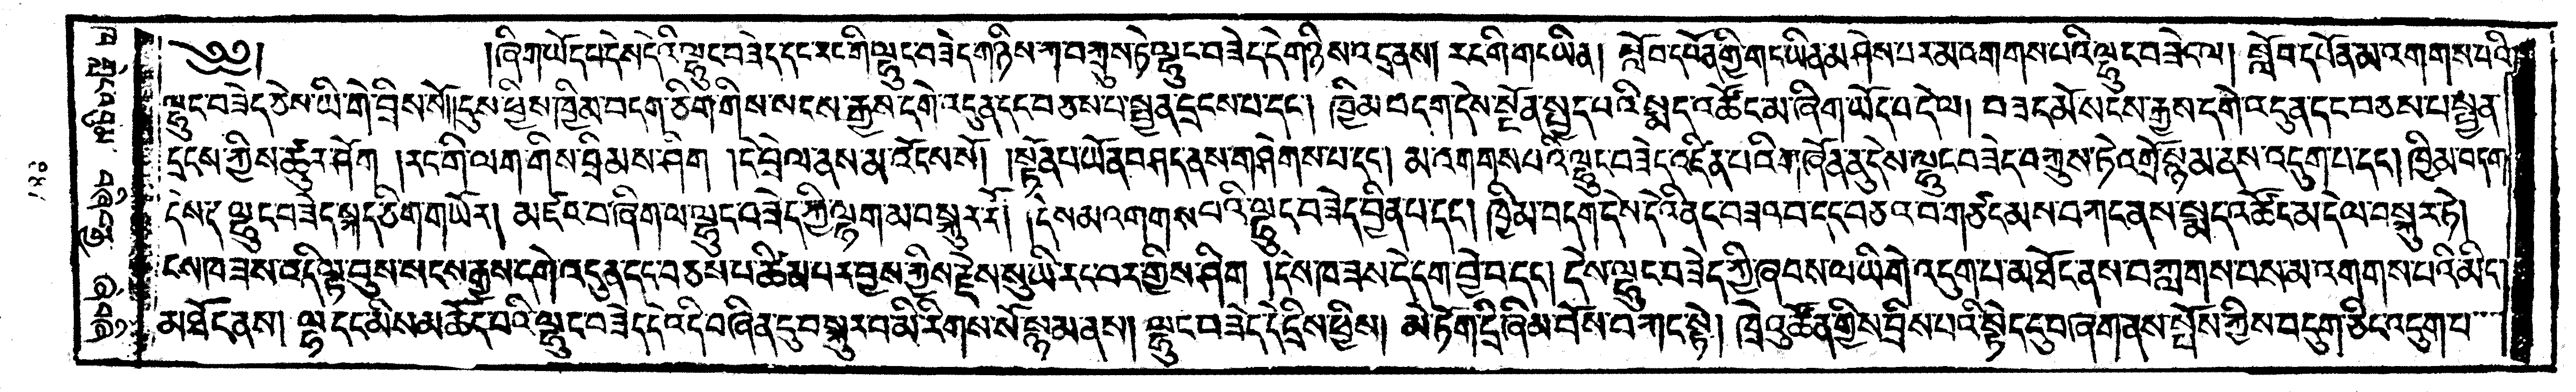༄༅། །ཞིག་ཡོད་པ་དེས་དེའི་ལྷུང་བཟེད་དང་རང་གི་ལྷུང་བཟེད་གཉིས་ཀ་བཀྲུས་ཏེ་ལྷུང་བཟེད་དེ་གཉིས་འདྲ་ནས། རང་གི་གང་ཡིན། སློབ་དཔོན་གྱི་གང་ཡིན་མ་ཤེས་པར་མ་འགགས་པའི་ལྷུང་བཟེང་ལ། སློབ་དཔོན་མ་འགགས་པའི་
ལྷུང་བཟེད་ཅེས་ཡི་གེ་བྲིས་སོ། །དུས་ཕྱིས་ཁྱིམ་བདག་ཅིག་གིས་སངས་རྒྱས་དགེ་འདུན་དང་བཅས་པ་སྤྱན་དྲངས་པ་དང་། ཁྱིམ་བདག་དེས་སྔོན་སྤྱད་པའི་སྨད་འཚོང་མ་ཞིག་ཡོད་པ་དེ་ལ། བཟང་མོ་སངས་རྒྱས་དགེ་འདུན་དང་བཅས་པ་སྤྱན་
དྲངས་ཀྱིས་ཚུར་ཤོག །རང་གི་ལག་གིས་བྲིམས་ཤིག །དེ་བྲེལ་ནས་མ་འོངས་སོ། །སྟོན་པ་ཡོན་བཤད་ནས་གཤེགས་པ་དང་། མ་འགགས་པའི་ལྷུང་བཟེད་འཛིན་པའི་གཞོན་ནུ་དེས་ལྷུང་བཟེད་བཀྲུས་ཏེ་འགྲོ་སྙམ་ནས་འདུག་པ་དང་། ཁྱིམ་བདག་
དེས༑ ལྷུང་བཟེད་སྐད་ཅིག་གཡོར། མཛའ་བ་ཞིག་ལ་ལྷུང་བཟེད་ཀྱི་ལྷག་མ་བསྐུར་རོ། །དེས་མ་འགགས་པའི་ལྷུང་བཟེད་བྱིན་པ་དང་། ཁྱིམ་བདག་དེས་དེའི་ནང་བཟའ་བ་དང་བཅའ་བ་གཙང་མས་བཀང་ནས་སྨད་འཚོང་མ་དེ་ལ་བསྐུར་ཏེ།
ངས་ཁ་ཟེས་འདི་ལྟ་བུས་སངས་རྒྱས་དགེ་འདུན་དང་བཅས་པ་ཚིམ་པར་བྱས་ཀྱིས་རྗེས་སུ་ཡི་རང་བར་གྱིས་ཤིག །དེས་ཁ་ཟས་དེ་དག་བྱེ་བ་དང་། དེས་ལྷུང་བཟེད་ཀྱི་ཞབས་ལ་ཡི་གེ་འདུག་པ་མཐོང་ནས་བཀླགས་པས་མ་འགགས་པའི་མིང་
མཐོང་ནས། ལྷ་དང་མིས་མཆོད་པའི་ལྷུང་བཟེད་དེ་འདི་བཞིན་དུ་བསྐུར་བ་མི་རིགས་སོ་སྙམ་ནས། ལྷུང་བཟེད་དེ་དྲིས་ཕྱིས། མེ་ཏོག་དྲི་ཞིམ་བོས་བཀང་སྟེ། ཁྲེའུ་ཚོན་གྱིས་བྲིས་པའི་སྟེད་དུ་བཞག་ནས་སྤོས་ཀྱིས་བདུག་ཅིང་འདུག་པ་